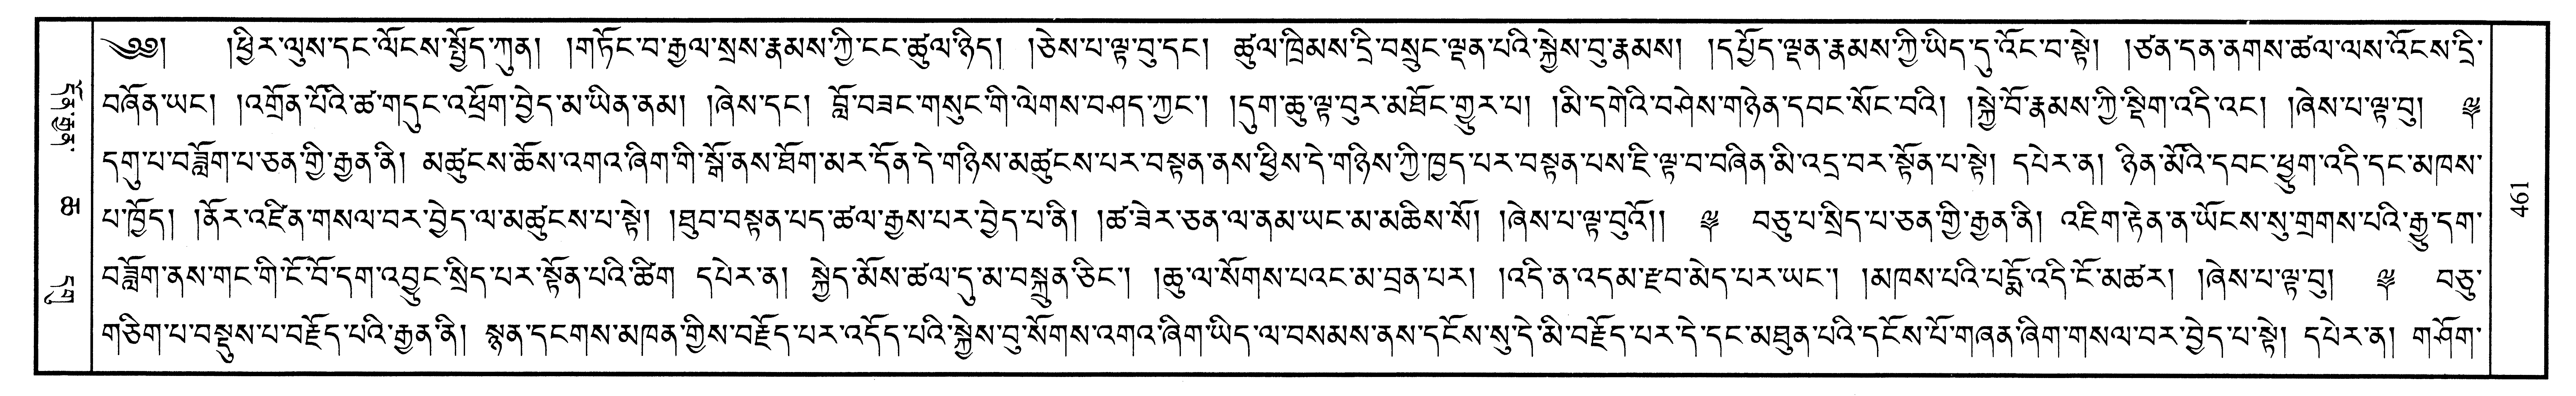༄༅། །ཕྱིར་ལུས་དང་ལོངས་སྤྱོད་ཀུན། །གཏོང་བ་རྒྱལ་སྲས་རྣམས་ཀྱི་ངང་ཚུལ་ཉིད། །ཅེས་པ་ལྟ་བུ་དང་། ཚུལ་ཁྲིམས་དྲི་བསྲུང་ལྡན་པའི་སྐྱེས་བུ་རྣམས། །དཔྱོད་ལྡན་རྣམས་ཀྱི་ཡིད་དུ་འོང་བ་སྟེ། །ཙན་དན་ནགས་ཚལ་ལས་འོངས་དྲི་
བཞོན་ཡང་། །འགྲོན་པོའི་ཚ་གདུང་འཕྲོག་བྱེད་མ་ཡིན་ནམ། །ཞེས་དང་། བློ་བཟང་གསུང་གི་ལེགས་བཤད་ཀྱང་། །དུག་ཆུ་ལྟ་བུར་མཐོང་གྱུར་པ། །མི་དགེའི་བཤེས་གཉེན་དབང་སོང་བའི། །སྐྱེ་བོ་རྣམས་ཀྱི་སྡིག་འདི་འང་། །ཞེས་པ་ལྟ་བུ། ༈
དགུ་པ་བཟློག་པ་ཅན་གྱི་རྒྱན་ནི། མཚུངས་ཆོས་འགའ་ཞིག་གི་སྒོ་ནས་ཐོག་མར་དོན་དེ་གཉིས་མཚུངས་པར་བསྟན་ནས་ཕྱིས་དེ་གཉིས་ཀྱི་ཁྱད་པར་བསྟན་པས་ཇི་ལྟ་བ་བཞིན་མི་འདྲ་བར་སྟོན་པ་སྟེ། དཔེར་ན། ཉིན་མོའི་དབང་ཕྱུག་འདི་དང་མཁས་
པ་ཁྱོད། །ནོར་འཛིན་གསལ་བར་བྱེད་ལ་མཚུངས་པ་སྟེ། །ཐུབ་བསྟན་པད་ཚལ་རྒྱས་པར་བྱེད་པ་ནི། །ཚ་ཟེར་ཅན་ལ་ནམ་ཡང་མ་མཆིས་སོ། །ཞེས་པ་ལྟ་བུའོ།། ༈ བཅུ་པ་སྲིད་པ་ཅན་གྱི་རྒྱན་ནི། འཇིག་རྟེན་ན་ཡོངས་སུ་གྲགས་པའི་རྒྱུ་དག་
བཟློག་ནས་གང་གི་ངོ་བོ་དག་འབྱུང་སྲིད་པར་སྟོན་པའི་ཚིག་དཔེར་ན། སྐྱེད་མོས་ཚལ་དུ་མ་བསྐྲུན་ཅིང་། །ཆུ་ལ་སོགས་པའང་མ་བྲན་པར། །འདི་ན་འདམ་རྫབ་མེད་པར་ཡང་། །མཁས་པའི་པདམོ་འདི་ངོ་མཚར། །ཞེས་པ་ལྟ་བུ། ༈ བཅུ་
གཅིག་པ་བསྡུས་པ་བརྗོད་པའི་རྒྱན་ནི། སྙན་དངགས་མཁན་གྱིས་བརྗོད་པར་འདོད་པའི་སྐྱེས་བུ་སོགས་འགའ་ཞིག་ཡིད་ལ་བསམས་ནས་དངོས་སུ་དེ་མི་བརྗོད་པར་དེ་དང་མཐུན་པའི་དངོས་པོ་གཞན་ཞིག་གསལ་བར་བྱེད་པ་སྟེ། དཔེར་ན། གཤོག་